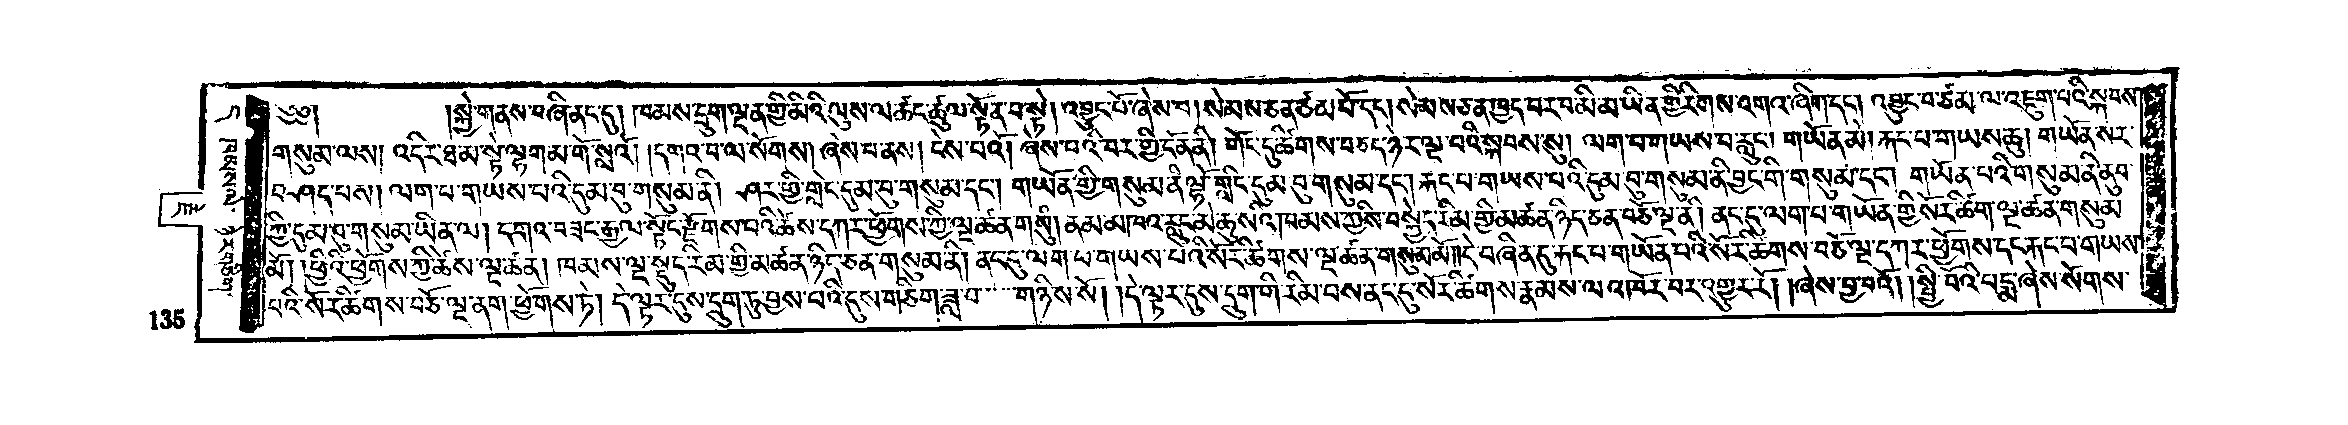༄༅། །སྐྱེ་གནས་བཞི་ནང་དུ། ཁམས་དྲུག་ལྡན་གྱི་མིའི་ལུས་ལ་ཚང་ཚུལ་སྟོན་པ་སྟེ། འབྱུང་པོ་ཞེས་པ། སེམས་ཅན་ཙམ་པོ་དང་། སེམས་ཅན་ཁྱད་པར་བ་མི་མ་ཡིན་གྱི་རིགས་འགའ་ཞིག་དང་། འབྱུང་བ་ཙམ་ལ་འཇུག་པའི་སྐབས་
གསུམ་ལས། འདིར་ཐ་མ་སྟེ་ལྷག་མ་གོ་སླའོ། །དགའ་བ་ལ་སོགས། ཞེས་པ་ནས། ངེས་པའོ། ཞེས་པའི་བར་གྱི་དོན་ནི། གོང་དུ་ཚིགས་བཅད་ཉེར་ལྔ་པའི་སྐབས་སུ། ལག་པ་གཡས་པ་རླུང་། གཡོན་མེ། རྐང་པ་གཡས་ཆུ། གཡོན་སར་
བཤད་པས། ལག་པ་གཡས་པའི་དུམ་བུ་གསུམ་ནི། ཤར་གྱི་གླེང་དུམ་བུ་གསུམ་དང་། གཡོན་གྱི་གསུམ་ནི་ལྷོ་གླིང་དུམ་བུ་གསུམ་དང་། རྐང་པ་གཡས་པའི་དུམ་བུ་གསུམ་ནི་བྱང་གི་གསུམ་དང་། གཡོན་པའི་གསུམ་ནི་ནུབ་
ཀྱི་དུམ་བུ་གསུམ་ཡིན་ལ། དགའ་བཟང་རྒྱལ་སྟོང་རྫོགས་པའི་ཚེས་དཀར་ཕྱོགས་ཀྱི་ལྔ་ཚན་གསུཾ། ནམ་མཁའ་རླུང་མེ་ཆུ་སའི་ཁམས་ཀྱིས་བསྐྱེད་རིམ་གྱི་མཚན་ཉིད་ཅན་བཅོ་ལྔ་ནི། ནང་དུ་ལག་པ་གཡོན་གྱི་སོར་ཚིག་ལྔ་ཚན་གསུམ་
མོ། །ཕྱིའི་ཕྱོགས་ཀྱི་ཚེས་ལྔ་ཚན། ཁམས་ལྔ་སྡུད་རིམ་གྱི་མཚན་ཉིད་ཅན་གསུམ་ནི། ནང་དུ་ལག་པ་གཡས་པའི་སོར་ཚིགས་ལྔ་ཚན་གསུམ་མོ། །དེ་བཞིན་དུ་རྐང་པ་གཡོན་པའི་སོར་ཚིགས་བཅོ་ལྔ་དཀར་ཕྱོགས་དང་རྐང་པ་གཡས་
པའི་སོར་ཚིགས་བཅོ་ལྔ་ནག་ཕྱོགས་ཏེ། དེ་ལྟར་དུས་དྲུག་ཏུ་བྱས་པའི་དུས་གཅིག་ཟླ་བ་གཉིས་སོ། །དེ་ལྟར་དུས་དྲུག་གི་རིམ་པས་ནང་དུ་སོར་ཚིགས་རྣམས་ལ་འཁོར་བར་འགྱུར་རོ། །ཞེས་བྱ་བའོ། །སྤྱི་བོའི་པདམ་ཞེས་སོགས་